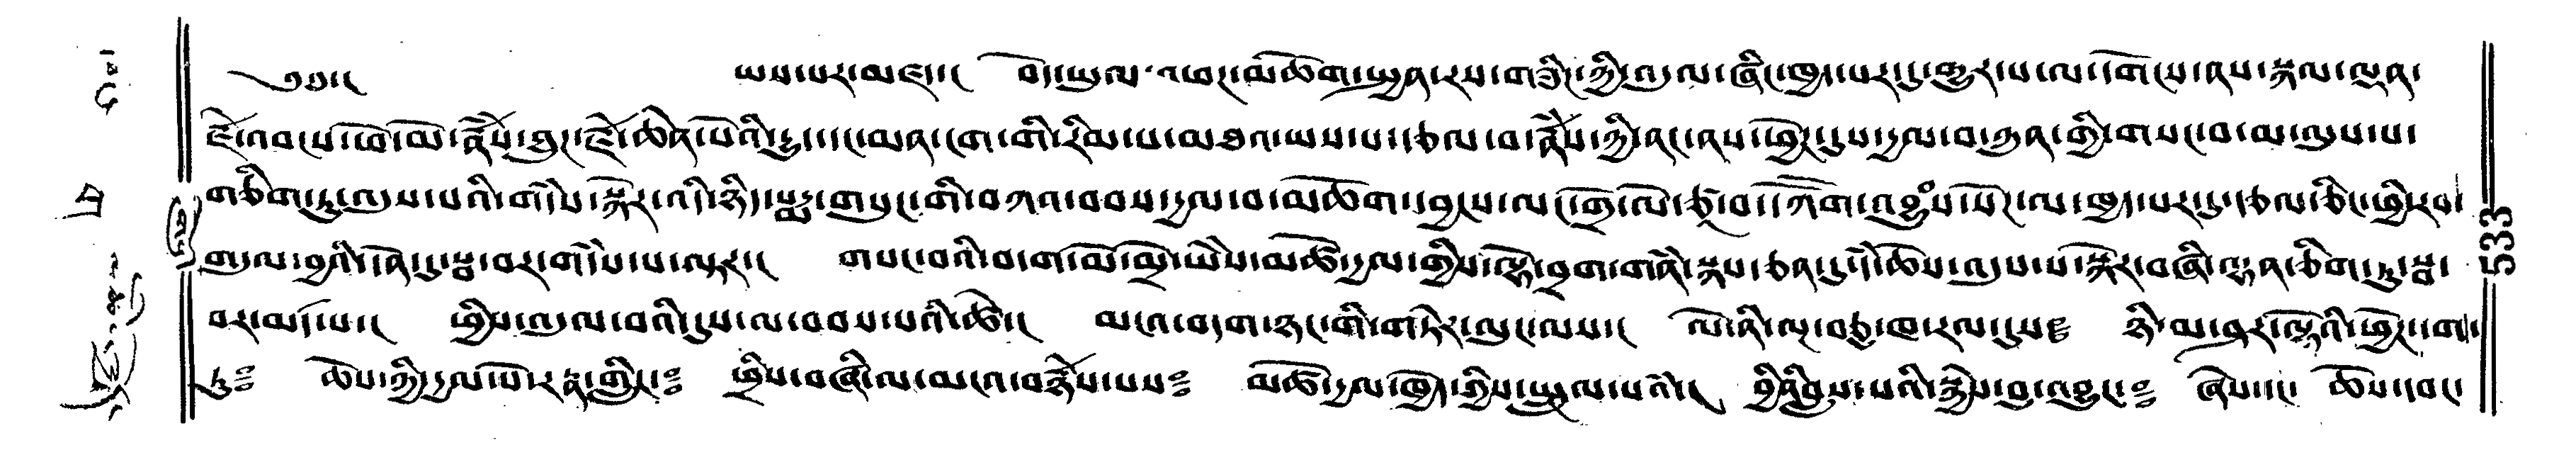ཡས་པར་མཛད། བོད་ཡུལ་འཕགས་མཆོག་སྤྱན་རས་གཟིགས་ཀྱི་འདུལ་ཞིང་ཁྱད་པར་དུ་གྱུར་པ་ལ་དགོངས་ནས་སྐལ་ལྡན་
རྗེ་འབངས་ཕོ་མོ་རྣམས་ཐུགས་རྗེ་ཆེན་པོའི་རྒྱུད་དང་མན་ངག་གི་རིམ་པ་མཐའ་ཡས་པ་བསྩལ་བ་རྣམས་ཀྱི་ནང་ནས་ཕྱོགས་དུས་རྒྱལ་བ་ཀུན་གྱི་གསང་བ་མ་ལུས་པ་
གཅིག་ཏུ་འདུས་པའི་གདམས་སྐོར་འདི་ཉིད་པདྨ་གསུང་གི་བཀའ་བབས་རྒྱལ་བ་མཆོག་དབྱངས་ལ་ལང་གྲོ་ལོ་ཙཱ་བ་དཀོན་མཆོག་འབྱུང་གནས་སོགས་ལ་ཁྱད་པར་དུ་བསྩལ་ཅིང་ཕྱི་རབས་
གདུལ་བྱའི་དོན་དུ་སྦ་བར་གདམས་པ་ལྟར། གསང་བའི་བདག་མོ་མཁའ་འགྲོ་ཡེ་ཤེས་མཚོ་རྒྱལ་གྱིས་ལྷོ་བྲག་གནམ་སྐས་ཅན་དུ་དམ་ཆོས་འདུས་པ་སྐོར་བཞི་ལྷན་ཅིག་ཏུ་སྦ་
བར་མཛད་པ། ཕྱིས་འདོན་བའི་དུས་ལ་བབས་པའི་ཚེ། མངའ་བདག་ཉང་གི་གཏེར་ལུང་ལས། ལོ་ནི་ལྔ་བཅུ་ཁ་རལ་དུས༔ ཉི་མ་ཤར་ལྷོའི་ཕྱོགས་དག་
ཏུ༔ ཆོས་ཀྱི་རྒྱལ་པོ་རཏྣ་གླིང༔ ཕྲིན་ལས་བཞི་ལ་མངའ་བརྙེས་པ༔ མཚོ་རྒྱལ་ཁྱོད་ཀྱི་སྤྲུལ་པའམ༔ བྱིན་གྱིས་བརླབས་པའི་སྐྱེས་བུ་འབྱུང༔ ཞེས་དང་། ཆོས་དབང་